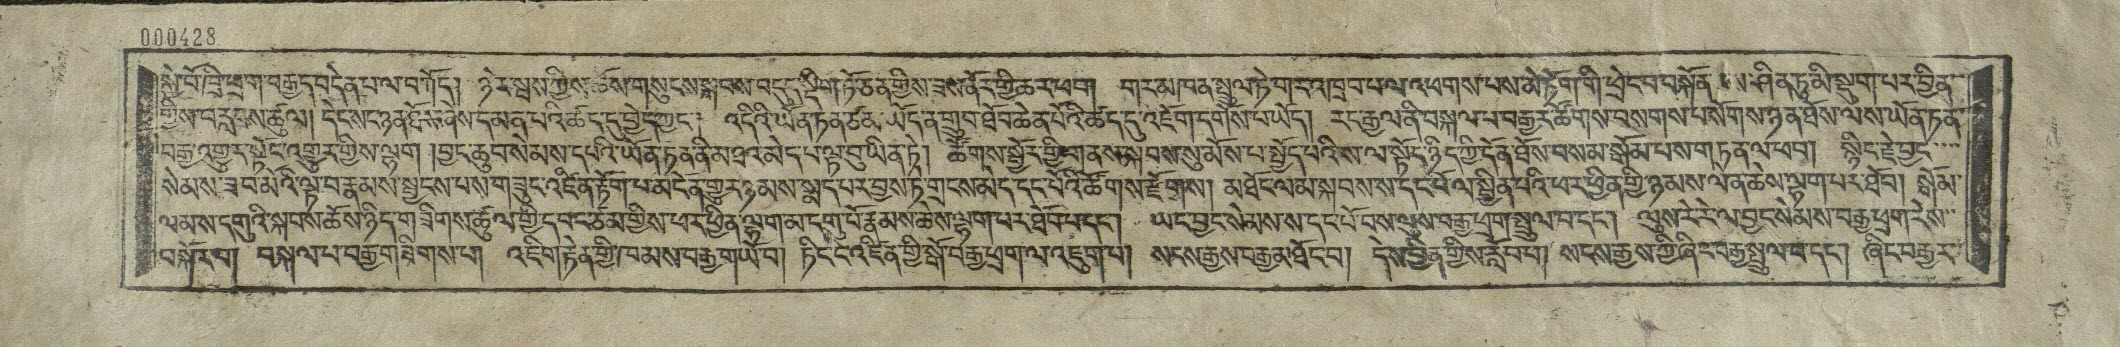སྐྱེ་བོ་ཁྲི་ཕྲག་བརྒྱད་བདེན་པ་ལ་བཀོད། ཉེར་སྦས་ཀྱིས་ཆོས་གསུངས་སྐབས་བདུད་སྡིག་ཏོ་ཅན་གྱིས་ཟས་ནོར་གྱི་ཆར་ཕབ། གར་མཁན་སྤྲུལ་ཏེ་གར་འཁྲབ་པ་ལ་འཕགས་པས་མེ་ཏོག་གི་ཕྲེང་བ་བསྐོན་ནས་ཤིན་ཏུ་མི་སྡུག་པར་བྱིན་
གྱིས་བརླབས་ཚུལ། དེང་སང་ཉན་ཐོས་ཞེས་དམན་པའི་ཚད་དུ་བྱེད་ཀྱང་། འདིའི་ཡོན་ཏན་ཙམ་ཡོད་ན་གྲུབ་ཐོབ་ཆེན་པོའི་ཚད་དུ་འཇོག་དགོས་པ་ཡོད། རང་རྒྱལ་ནི་བསྐལ་པ་བརྒྱར་ཚོགས་བསགས་པ་སོགས་ཉན་ཐོས་ལས་ཡོན་ཏན་
བརྒྱ་འགྱུར་སྟོང་འགྱུར་གྱིས་ལྷག །བྱང་ཆུབ་སེམས་དཔའི་ཡོན་ཏན་ནི་མཐའ་མེད་པ་ལྟ་བུ་ཡིན་ཏེ། ཚོགས་སྦྱོར་གྱི་གནས་སྐབས་སུ་མོས་པ་སྤྱོད་པའི་ས་ལ་སྟོང་ཉིད་ཀྱི་དོན་ཐོས་བསམ་སྒོམ་པས་གཏན་ལ་ཕབ། སྙིང་རྗེ་བྱང་
སེམས་ཟབ་མོའི་ལྟ་བ་རྣམས་སྦྱངས་པས་གཟུང་འཛིན་རྟོག་པ་མངོན་གྱུར་ཉམས་སྨད་པར་བྱས་ཏེ་གྲངས་མེད་དང་པོའི་ཚོགས་རྫོགས། མཐོང་ལམ་སྐབས་ས་དང་པོ་ལ་སྦྱིན་པའི་ཕར་ཕྱིན་གྱི་ཉམས་ལེན་ཆེས་ལྷག་པར་ཐོབ། སྒོམ་
ལམ་ས་དགུའི་སྐབས་ཆོས་ཉིད་གཟིགས་ཚུལ་གྱི་དབང་ཙམ་གྱིས་ཕར་ཕྱིན་ལྷག་མ་དགུ་པོ་རྣམས་ཆེས་ལྷག་པར་ཐོབ་པ་དང་། ཡང་བྱང་སེམས་ས་དང་པོ་བས་ལུས་བརྒྱ་ཕྲག་སྤྲུལ་བ་དང་། ལུས་རེ་རེ་ལ་བྱང་སེམས་བརྒྱ་ཕྲག་རེས་
བསྐོར་བ། བསྐལ་པ་བརྒྱ་གཟིགས་པ། འཇིག་རྟེན་གྱི་ཁམས་བརྒྱ་གཡོ་བ། ཏིང་ངེ་འཛིན་གྱི་སྒོ་བརྒྱ་ཕྲག་ལ་འཇུག་པ། སངས་རྒྱས་བརྒྱ་མཐོང་བ། དེས་བྱིན་གྱིས་རློབ་པ། སངས་རྒྱས་ཀྱི་ཞིང་བརྒྱ་སྤྲུལ་བ་དང་། ཞིང་བརྒྱར་